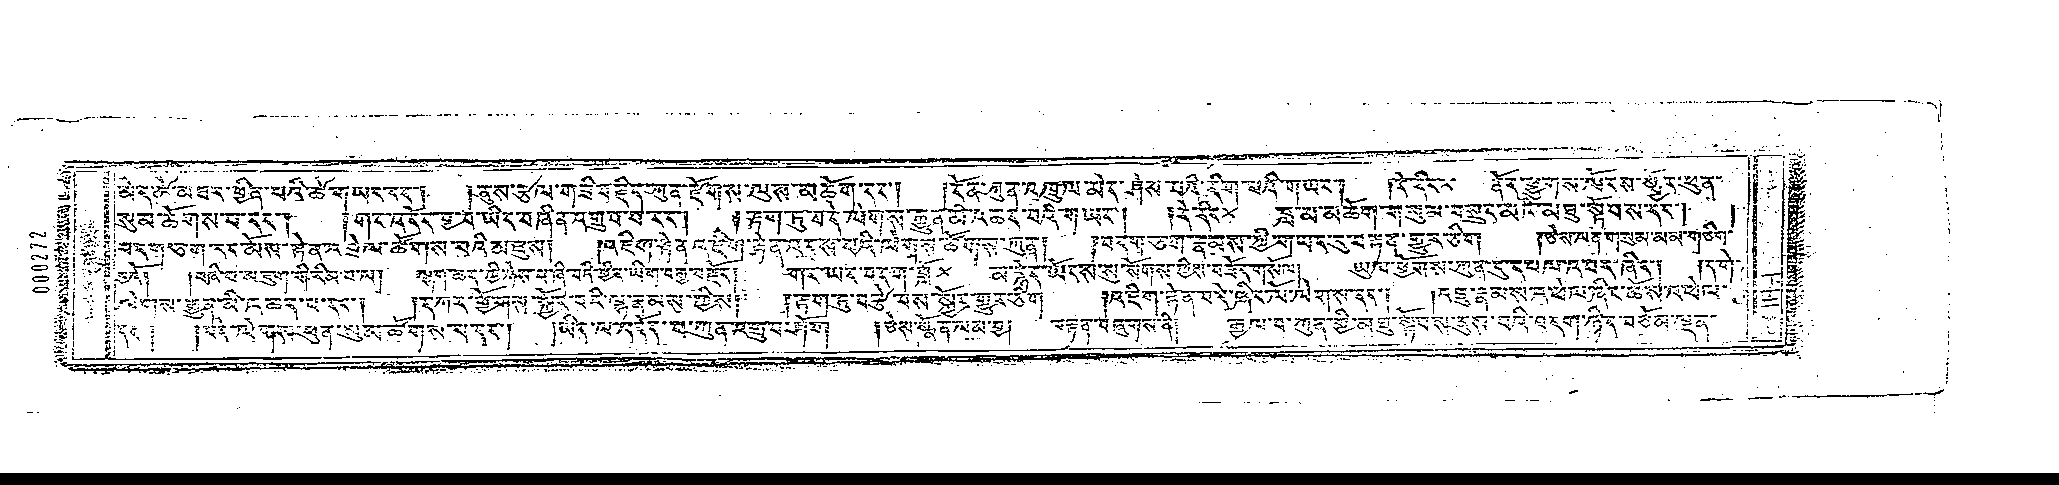མེད་ཚེ་མཐར་ཕྱིན་པའི་ཚེག་ཡང་དར། །ནུས་རྩལ་གཟི་བརྗིད་ཀུན་རྫོགས་ལུས་མཆོག་དང་། །དོན་ཀུན་འཁྲུལ་མེད་ཤེས་པའི་རིག་པའི་གཡང་། །དེ་རིང་྾་ནོར་ཕྱུགས་ལོངས་སྤྱོད་ཕུན་
སུམ་ཚོགས་པ་དང་། །གང་འདོད་བྱ་བ་ཡིད་བཞིན་འགྲུབ་པ་དང་། །རྟག་ཏུ་བདེ་ལེགས་རྒྱུན་མི་འཆད་པའི་གཡང་། །དེ་རིང་྾་བླ་མ་མཆོག་གསུམ་བསྲུང་མའི་མཐུ་སྟོབས་དང་། །
བདག་ཅག་དད་མོས་རྟེན་འབྲེལ་ཚོགས་པའི་མཐུས། །འཇིག་རྟེན་འཇིག་རྟེན་འདས་པའི་ལེགས་ཚོགས་ཀུན། །བདག་ཅག་རྣམས་ཀྱི་གཡང་དུ་བརྟན་གྱུར་ཅིག །ཅེས་ལན་གསུམ་མམ་གཅིག་
བྱའོ། །བཞི་པ་མཐུག་གི་རིམ་པ་ལ། ལྷག་ཆད་ཀྱི་ཉེས་པ་ཞི་བའི་ཕྱིར་ཡིག་བརྒྱ་བརྗོད། གང་ཡང་བདག་བློ་྾་མ་རྙེད་ཡོངས་སུ་སོགས་ཀྱིས་བཟོད་གསོལ། ཡུལ་ཕྱོགས་ཀུན་དུ་དཔལ་འབར་ཞིང་། །དགེ་
ལེགས་རྒྱུན་མི་འཆད་པ་དང་། །དཀར་ཕྱོགས་སྐྱོང་བའི་ལྷ་རྣམས་ཀྱིས། །རྟག་ཏུ་བརྩེ་བས་སྐྱོད་གྱུར་ཅིག །འཇིག་རྟེན་བདེ་ཞིང་ལོ་ལེགས་དང་། །འབྲུ་རྣམས་འཕེལ་ཞིང་ཆོས་འཕེལ་
དང་། །བདེ་ལེགས་ཕུན་སུམ་ཚོགས་པ་དང་། །ཡིད་ལ་འདོད་པ་ཀུན་འགྲུབ་ཤོག །ཅེས་སྨོན་ལམ་བྱ། བརྟན་བཞུགས་ནི། རྒྱལ་བ་ཀུན་གྱི་མཐུ་སྟོབས་ནུས་བའི་བདག་ཉིད་བཅོམ་ལྡན་